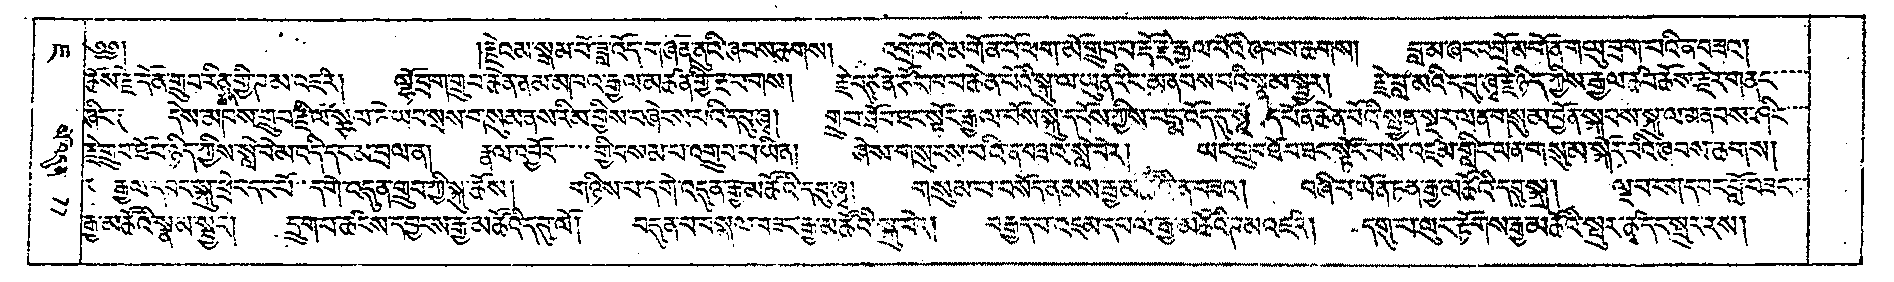༄༅། །རྗེའམ་སྒམ་པོ་ཟླ་འོད་གཞོན་ནུའི་ཞབས་ཆགས། འགྲོ་བའི་མགོན་པོ་ཕག་མོ་གྲུབ་པ་རྡོ་རྗེ་རྒྱལ་པོའི་ཞབས་ཆགས། བླ་མ་ཞང་འགྲོ་མགོན་གཡུ་བྲག་པའི་ན་བཟའ།
ཆོས་རྗེ་དོན་གྲུབ་རིན་ཆེན་གྱི་ཌམ་འཛར། ལྷོ་བྲག་གྲུབ་ཆེན་ནམ་མཁའ་རྒྱལ་མཚན་གྱི་རྔ་པགས། རྗེ་བཙུན་ཙོང་ཁ་པ་ཆེན་པོའི་སྐུ་ལ་ཡུན་རིང་མནབས་པའི་སྣམ་སྦྱར། རྗེ་བླ་མའི་དབུ་ཞྭ་རྗེ་ཉིད་ཀྱིས་རྒྱལ་ཚབ་ཆོས་རྗེར་གནང་
ཞིང་། དེས་མཁས་གྲུབ་རྗི་ལ་སྩལ་ཏེ་ཡབ་སྲས་གསུམ་ནས་རིམ་གྱིས་བཞེངས་པའི་དབུ་ཞྭ། གྲུབ་ཐོབ་ཐང་སྟོང་རྒྱལ་པོས་སྐུ་དངོས་ཀྱིས་པདམ་འོད་དུ་སློབ་དཔོན་ཆེན་པོའི་སྤྱན་སྔར་ལན་གསུམ་བྱོན་སྐབས་སྐུ་ལ་མནབས་ཤིང་
རྗེ་གྲུབ་ཐོབ་ཉིད་ཀྱིས་སླེ་བེམ་འདི་དང་མ་བྲལ་ན། རྣལ་འབྱོར་གྱི་བསམ་པ་འགྲུབ་པ་ཡིན། ཞེས་གསུངས་པའི་ན་བཟའ་སླེ་བེར། ཡང་གྲུབ་ཐོབ་ཐང་སྟོང་པས་འཛམ་གླིང་ལན་གསུམ་སྐོར་བའི་ཞབས་ཆགས།
༈ རྒྱལ་དབང་སྐུ་ཕྲེང་དང་པོ་དགེ་འདུན་གྲུབ་ཀྱི་སྐུ་ཆོས། གཉིས་པ་དགེ་འདུན་རྒྱ་མཚོའི་དབུ་ཞྭ། གསུམ་པ་བསོད་ནམས་རྒྱ་མཚོའི་ན་བཟའ། བཞི་པ་ཡོན་ཏན་རྒྱ་མཚོའི་དབུ་སྐྲ། ལྔ་བ་ངག་དབང་བློ་བཟང་
རྒྱ་མཚོའི་སྣམ་སྦྱར། དྲུག་པ་ཚངས་དབྱངས་རྒྱ་མཚོའི་དབུ་ལོ། བདུན་པ་བསྐལ་བཟང་རྒྱ་མཚོའི་སྐུ་བེར། བརྒྱད་པ་འཇམ་དཔལ་རྒྱ་མཚོའི་ཊམ་འཛར། དགུ་པ་ལུང་རྟོགས་རྒྱ་མཚོའི་སྤུར་ཚྭ་དང་སྤུར་རས།